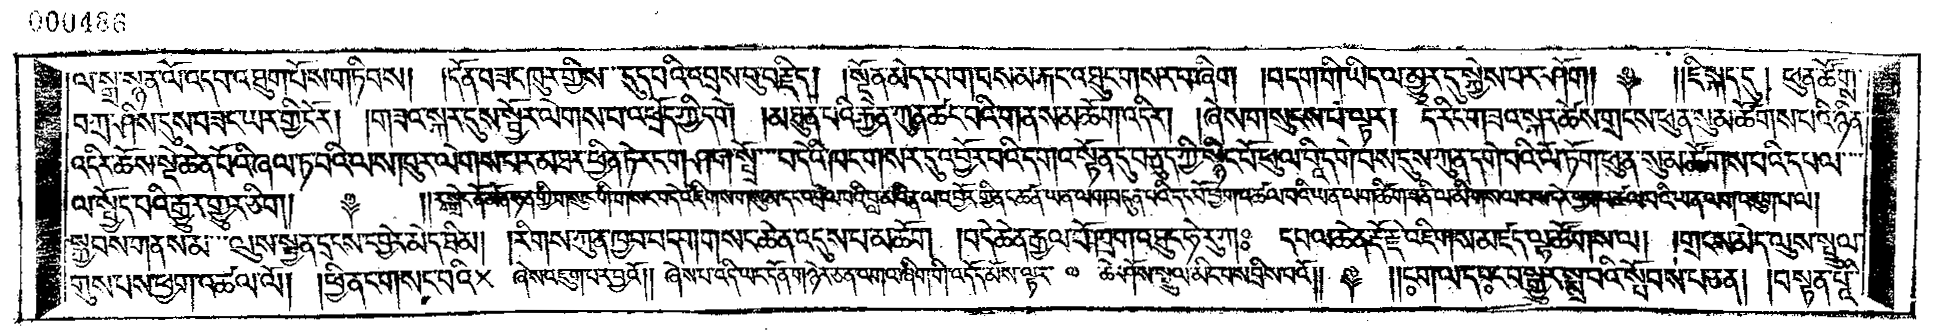ལ་སྒྲ་སྙན་ལོ་འདབ་འཐུག་པོས་གཏིབས། །དོན་བཟང་ཁུར་གྱིས་དུད་པའི་འབྲས་བུ་བརྗིད། །སྔོན་མེད་དཔག་བསམ་རྐང་འཐུང་གསར་བ་ཞིག །བདག་གི་ཡིད་ལ་མྱུར་དུ་སྐྱེས་པར་ཤོག ། ༈ །།ཇི་སྐད་དུ། ཕུན་ཚོགས་
བཀྲ་ཤིས་དུས་བཟང་ཡར་གྱི་ངོར། །གཟའ་སྐར་དུས་སྦྱོར་ལེགས་པ་འཕྲོད་ཀྱི་དགེ །མཐུན་པའི་རྐྱེན་ཀུན་ཚང་བའི་གནས་མཆོག་འདིར། །ཞེས་གསུངས་པ་ལྟར། དེ་རིང་གཟའ་སྐར་ཚེས་གྲངས་ཕུན་སུམ་ཚོགས་པའི་ཉིན་
འདིར་ཆོས་སྡེ་ཆེན་པོའི་ཞལ་ཏ་བའི་ལས་ཁུར་ལེགས་པར་མཐར་ཕྱིན་ཏེ་རང་གཤག་སྤྲོ་བདེའི་ཁང་གསར་དུ་འབྱོར་བའི་དགའ་སྟོན་དུ་བཅུད་ཀྱི་སྙིང་པོ་ཕུལ་བའི་དགེ་བས་དུས་ཀུན་དགེ་བའི་ལོ་ཏོག་ཕུན་སུམ་ཚོགས་པའི་དཔལ་
ལ་སྤྱོད་པའི་རྒྱུར་གྱུར་ཅིག ། ༈ །།རྭ་སྒྲེང་ནོ་མོན་ཧན་གྱི་གསུང་གི་གསང་བདེ་འཇིགས་གསུམ་དང་འབྲེལ་བའི་བླ་མའི་རྣལ་འབྱོར་གྱི་ནང་ཚན་ཡན་ལག་བདུན་པའི་དང་པོ་ཕྱག་འཚལ་བའི་ཡན་ལག་ཚིག་ཟིན་ལ་མི་གསལ་བས་དེར་ཕྱག་འཚལ་བའི་ཡན་ལག་འཇུག་པ་ལ།
སྐྱབས་གནས་མ་ལུས་སྤྱན་དྲངས་དབྱེར་མེད་ཐིམ། །རིགས་ཀུན་ཁྱབ་བདག་གསང་ཆེན་འདུས་པ་མཆོག །བདེ་ཆེན་རྒྱལ་པོ་ཁྲག་འཐུང་ཧེ་རུ་ཀཿ དཔལ་ཆེན་རྡོ་རྗེ་འཇིགས་མཛད་ལྷ་ཚོགས་ལ། །གྲངས་མེད་ལུས་སྤྲུལ་
གུས་པས་ཕྱག་འཚལ་ལོ། །ཕྱི་ནང་གསང་བའི྾་ཞེས་འཇུག་པར་བྱའོ། །ཞེས་པ་འདི་ཡང་དོན་གཉེར་ཅན་འགའ་ཞིག་གི་འདོད་མོས་ལྟར་༧་ཆེ་ཤོས་སྤྲུལ་མིང་པས་བྲིས་པའོ།།  ༈ །།ངག྾་ལ་དབང྾་བསྒྱུར་སྨྲ་བའི་སྤོབས་པ་ཅན། །བསྟན་པའི་